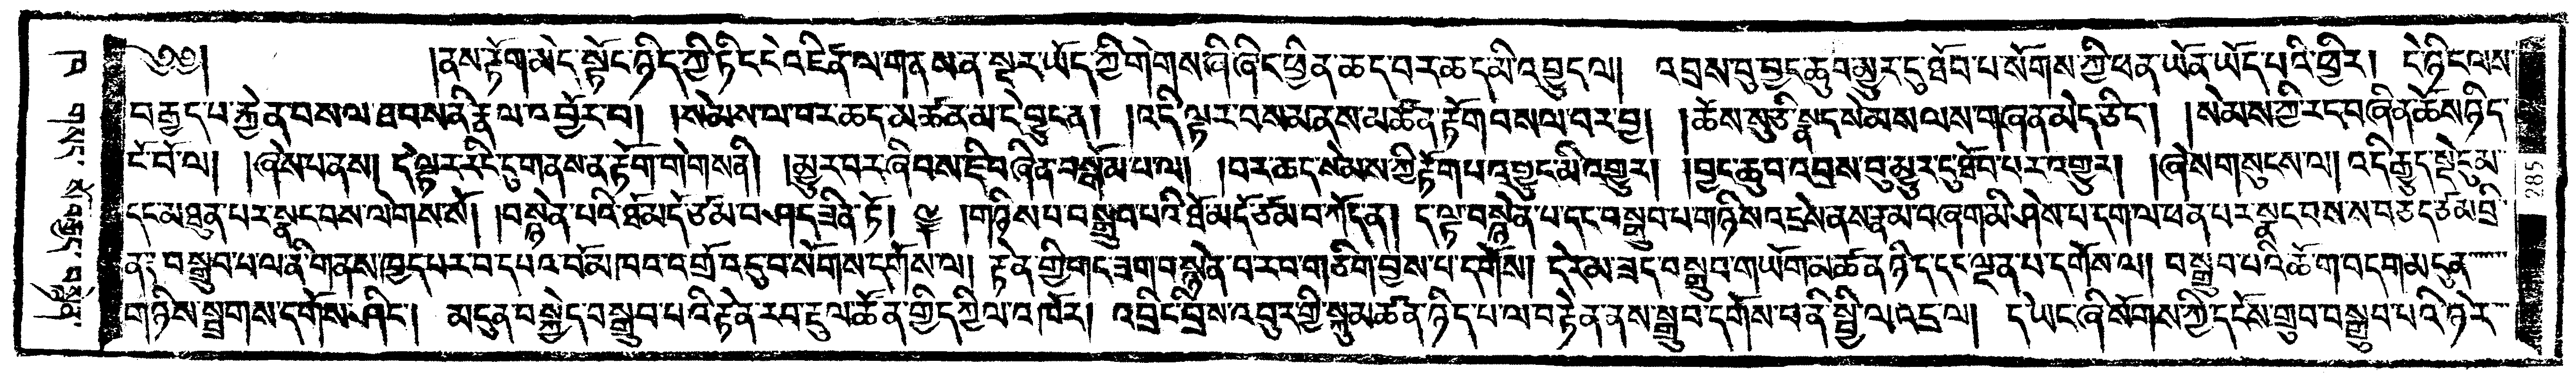༄༅། །ནས་རྟོག་མེད་སྟོང་ཉིད་ཀྱི་ཏིང་ངེ་འཛིན་ལ་གནས་ན་སྔར་ཡོད་ཀྱི་གེགས་ཞི་ཞིང་ཕྱིན་ཆད་བར་ཆད་མི་འབྱུང་ལ། འབྲས་བུ་བྱང་ཆུབ་མྱུར་དུ་ཐོབ་པ་སོགས་ཀྱི་ཕན་ཡོན་ཡོད་པའི་ཕྱིར། དེ་ཉིད་ལས་
བརྒྱད་པ་རྐྱེན་བསལ་ཐབས་ནི་རྣལ་འབྱོར་བ། །སེམས་ལ་བར་ཆད་མཚན་མ་དེ་བྱུང་ན། །འདི་ལྟར་བསམ་ནས་མཚན་རྟོག་བསལ་བར་བྱ། །ཆོས་སུ་ཅི་སྣང་སེམས་ལས་གཞན་མེད་ཅིང་། །སེམས་ཀྱི་རང་བཞིན་ཆོས་ཉིད་
ངོ་བོ་ལ། །ཞེས་པ་ནས། དེ་ལྟར་རིང་དུ་གནས་ན་རྟོག་གེགས་ནི། །མྱུར་བར་ཞི་བས་ཇི་བཞིན་བསྒོམ་པ་ལ། །བར་ཆད་སེམས་ཀྱི་རྟོག་པ་འབྱུང་མི་འགྱུར། །བྱང་ཆུབ་འབྲས་བུ་མྱུར་དུ་ཐོབ་པར་འགྱུར། །ཞེས་གསུངས་ལ། འདི་རྒྱུད་སྡེ་དུ་མ་
དང་མཐུན་པར་སྣང་བས་ལེགས་སོ། །བསྙེན་པའི་ཐོ་མདོ་ཙམ་བཤད་ཟིན་ཏོ། ༈ །གཉིས་པ་བསྒྲུབ་པའི་ཐོ་མདོ་ཙམ་བཀོད་ན། ད་ལྟ་བསྙེན་པ་དང་བསྒྲུབ་པ་གཉིས་འདྲེས་ནས་རྣམ་བཞག་མི་ཤེས་པ་དག་ལ་ཕན་པར་སྣང་བས་ས་བཅད་ཙམ་བྲི་
ན༑ བསྒྲུབ་པ་ལ་ནི་གནས་ཁྱད་པར་བ་དཔའ་བོ་མཁའ་འགྲོ་འདུ་བ་སོགས་དགོས་ལ། རྟེན་གྱི་གང་ཟག་བསྙེན་བ་རབ་གཅིག་བྱས་པ་དགོས། དེར་མ་ཟད་བསྒྲུབ་གཡོག་མཚན་ཉིད་དང་ལྡན་པ་དགོས་ལ། བསྒྲུབ་པའི་ཆོ་ག་བདག་མདུན་
གཉིས་སྦྲགས་དགོས་ཤིང་། མདུན་བསྐྱེད་བསྒྲུབ་པའི་རྟེན་རབ་རྡུལ་ཚོན་གྱི་དཀྱིལ་འཁོར། འབྲིང་བྲིས་འབུར་གྱི་སྐུ་མཚན་ཉིད་པ་ལ་བརྟེན་ནས་སྒྲུབ་དགོས་པ་ནི་སྤྱི་ལ་འདྲ་ལ། དེ་ཡང་ཞི་སོགས་ཀྱི་དངོས་གྲུབ་བསྒྲུབ་པའི་ཉེར་